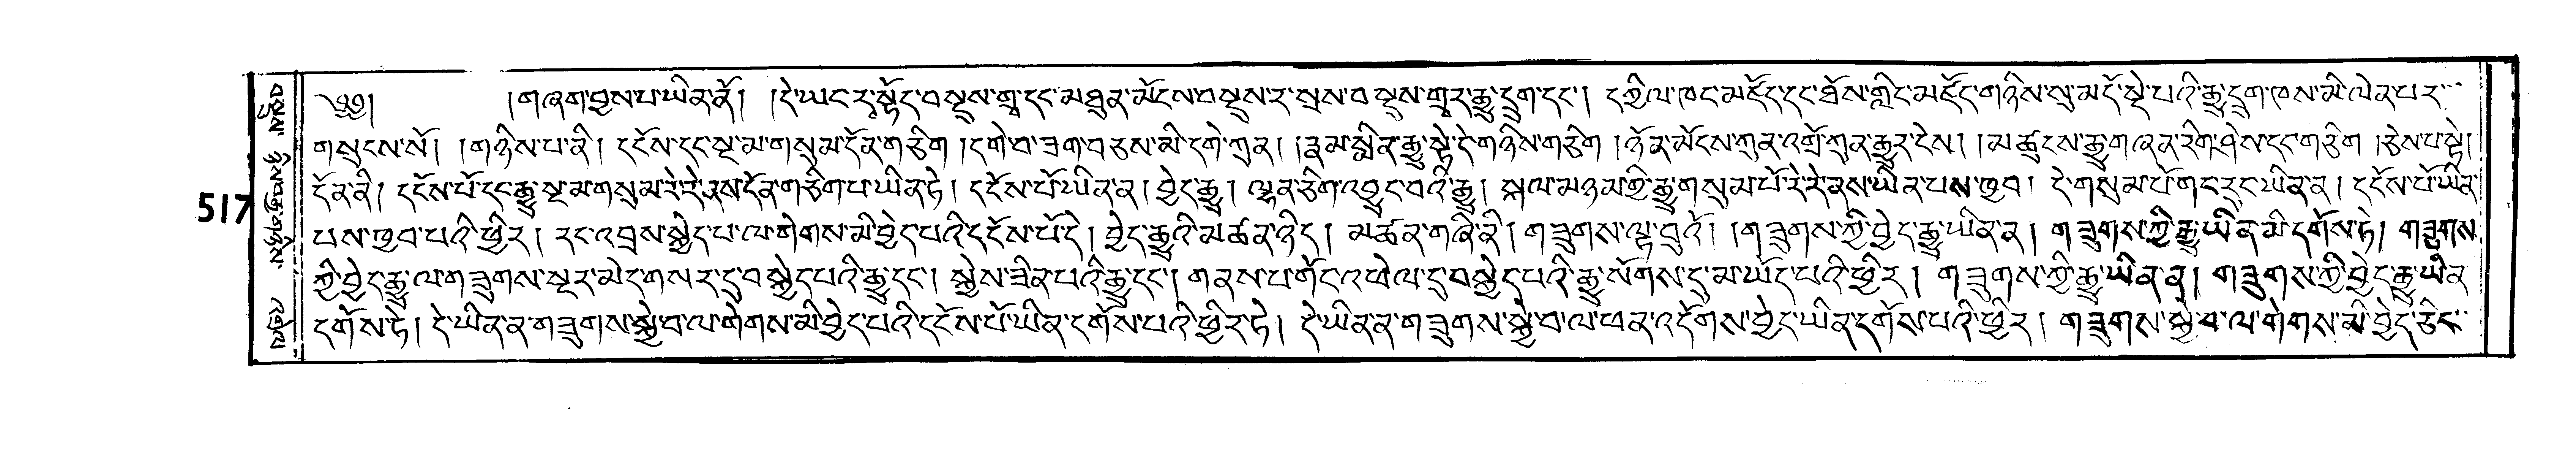༄༅། །གཞག་བྱས་པ་ཡིན་ནོ། །དེ་ཡང་རྭ་སྟོད་བསྡུས་གྲྭ་དང་མཐུན་མོངས་བསྡུས་ར་སྲས་བསྡུས་གྲྭར་རྒྱུ་དྲུག་དང་། དཀྱིལ་ཁང་མཛོད་དང་ཐོས་གླིང་མཛོད་གཉིས་སུ་མདོ་སྡེ་པའི་རྒྱུ་དྲུག་ཁས་མི་ལེན་པར་
གསུངས་སོ། །གཉིས་པ་ནི། དངོས་དང་སྔ་མ་གསུམ་དོན་གཅིག །དགེ་བ་ཟག་བཅས་མི་དགེ་ཀུན། །རྣམ་སྨིན་རྒྱུ་སྟེ་དེ་གཉིས་གཅིག །ཉོན་མོངས་ཀུན་འགྲོ་ཀུན་རྒྱུར་ངེས། །མཚུངས་རྒྱུ་གཞན་རིག་ཤེས་དང་གཅིག །ཅེས་པ་སྟེ།
དོན་ནི། དངོས་པོ་དང་རྒྱུ་སྔ་མ་གསུམ་རེ་རེ་ནས་དོན་གཅིག་པ་ཡིན་ཏེ། དངོས་པོ་ཡིན་ན། བྱེད་རྒྱུ། ལྷན་ཅིག་འབྱུང་བའི་རྒྱུ། སྐལ་མཉམ་གྱི་རྒྱུ་གསུམ་པོ་རེ་རེ་ནས་ཡིན་པས་ཁྱབ། དེ་གསུམ་པོ་གང་རུང་ཡིན་ན། དངོས་པོ་ཡིན་
པས་ཁྱབ་པའི་ཕྱིར། རང་འབྲས་སྐྱེད་པ་ལ་གེགས་མི་བྱེད་པའི་དངོས་པོ་དེ། བྱེད་རྒྱུའི་མཚན་ཉིད། མཚན་གཞི་ནི། གཟུགས་ལྟ་བུའོ། །གཟུགས་ཀྱི་བྱེད་རྒྱུ་ཡིན་ན། གཟུགས་ཀྱི་རྒྱུ་ཡིན་མི་དགོས་ཏེ། གཟུགས་
ཀྱི་བྱེད་རྒྱུ་ལ་གཟུགས་སྔར་མེད་གསར་དུ་བསྐྱེད་པའི་རྒྱུ་དང་། སྐྱེས་ཟིན་པའི་རྒྱུ་དང་། གནས་པ་གོང་འཕེལ་དུ་བསྐྱེད་པའི་རྒྱུ་སོགས་དུ་མ་ཡོད་པའི་ཕྱིར། གཟུགས་ཀྱི་རྒྱུ་ཡིན་ན། གཟུགས་ཀྱི་བྱེད་རྒྱུ་ཡིན་
དགོས་ཏེ། དེ་ཡིན་ན་གཟུགས་སྐྱེ་བ་ལ་གེགས་མི་བྱེད་པའི་དངོས་པོ་ཡིན་དགོས་པའི་ཕྱིར་ཏེ། དེ་ཡིན་ན་གཟུགས་སྐྱེ་བ་ལ་ཕན་འདོགས་བྱེད་ཡིན་དགོས་པའི་ཕྱིར། གཟུགས་སྐྱེ་བ་ལ་གེགས་མི་བྱེད་ཅིང་